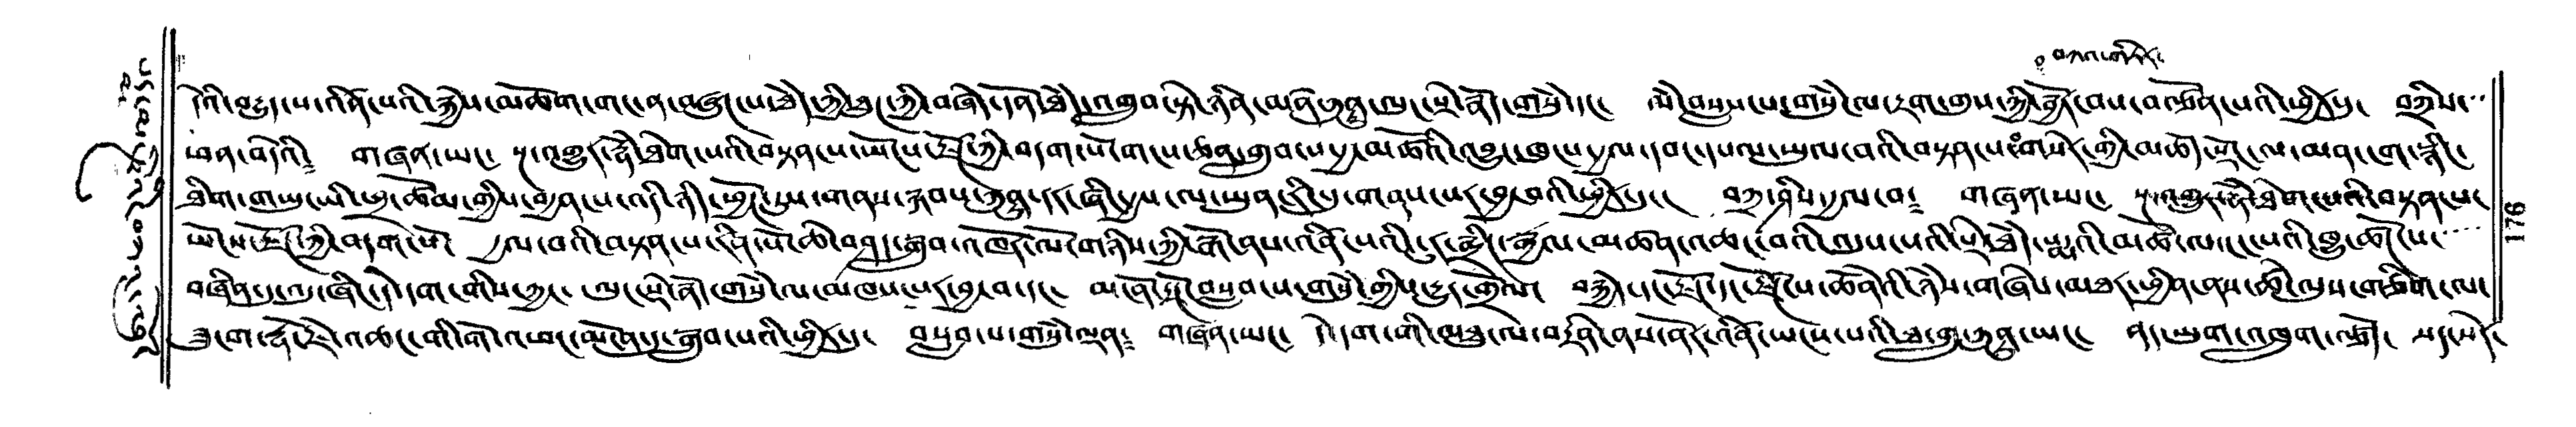དེའི་བརྒྱུད་པ་འཛིན་པའི་སྐྱེས་མཆོག་གང་ན་བཞུགས་པ་ཐམས་ཅད་ཀྱི་ཐུགས་ཀྱི་བཞེད་དོན་ཐམས་ཅད་འགྲུབ་སྟེ་ཉིན་མཚན་ཀུན་ལུང་སྡེ་སྣོད་གསུམ་དང་། ལམ་བསླབ་པ་གསུམ་ལ་རྟག་གུས་ཀྱི་སྦྱོར་བས་བརྩོན་པའི་ཕྱིར་དུ། བཀྲ་ཤིས་
ཕན་བདེའི༴ གཞན་ཡང་སྔ་འགྱུར་རྡོ་རྗེ་ཐེག་པའི་བསྟན་པ་ཡོངས་རྫོགས་ཀྱི་བདག་པོ་གངས་ཅན་གྲུབ་པ་རྒྱ་མཚོའི་འབྱུང་ཁུངས་རྒྱལ་དབང་དཔལ་ཡུལ་བའི་བསྟན་པ་བཀའ་གཏེར་གསེར་གྱི་མཆོད་སྡོང་ལ་མན་ངག་སྙིང་
ཐིག་གཡུ་ཡི་ཕྲ་ཚོམ་གྱིས་བརྒྱན་པ་འདི་ཉིད་ཕྱོགས་དུས་གནས་སྐབས་ཀུན་ཏུ་དར་ཞིང་རྒྱས་ལ་ཡུན་རིང་དུ་གནས་པར་བྱ་བའི་ཕྱིར་དུ། བཀྲ་ཤིས་རྒྱལ་བ༴ གཞན་ཡང་སྔ་འགྱུར་རྡོ་རྗེ་ཐེག་པའི་བསྟན་པ་
ཡོངས་རྫོགས་ཀྱི་བདག་པོ། རྒྱལ་བའི་བསྟན་པ་རིན་པོ་ཆེ་བཤད་སྒྲུབ་འཁོར་ལོ་གཉིས་ཀྱི་སྒོ་ནས་འཛིན་པའི་ངུར་སྨྲིག་རྒྱལ་མཚན་འཆང་བའི་འདུས་པའི་སྡེ་ཐམས་ཅད་པདྨའི་མཚོ་ལ་ངང་པའི་ཁྱུ་འཚོགས་པ་
བཞིན་དུ་འདུ་ཞིང་དེ་དག་གི་ཀྱང་ལུང་སྡེ་སྣོད་གསུམ་ལ་མཁས་པར་བྱ་བ་དང་། མངོན་རྟོགས་བསླབ་པ་གསུམ་གྱིས་རྒྱུད་གྲོལ། བསྐྱེད་དང་རྫོགས་དང་རྫོགས་པ་ཆེན་པོའི་ཉམས་བཞེས་མཐར་ཕྱིན་ནས་ཚེ་ལུས་གཅིག་ལ་
ཟུང་འཇུག་རྡོ་རྗེ་འཆང་གི་གོ་འཕང་མངོན་དུ་སྒྲུབ་པའི་ཕྱིར་དུ། བསླབ་པ་གསུམ་ལྡན༴ གཞན་ཡང་དེ་དག་གི་མཐུ་ལ་བརྟེན་ནས་ནོར་འཛིན་ཡངས་པའི་ཐ་གྲུ་ཀུན་ཏུ་ཡང་ནད་མུག་འཁྲུག་རྩོད། སད་སེར་